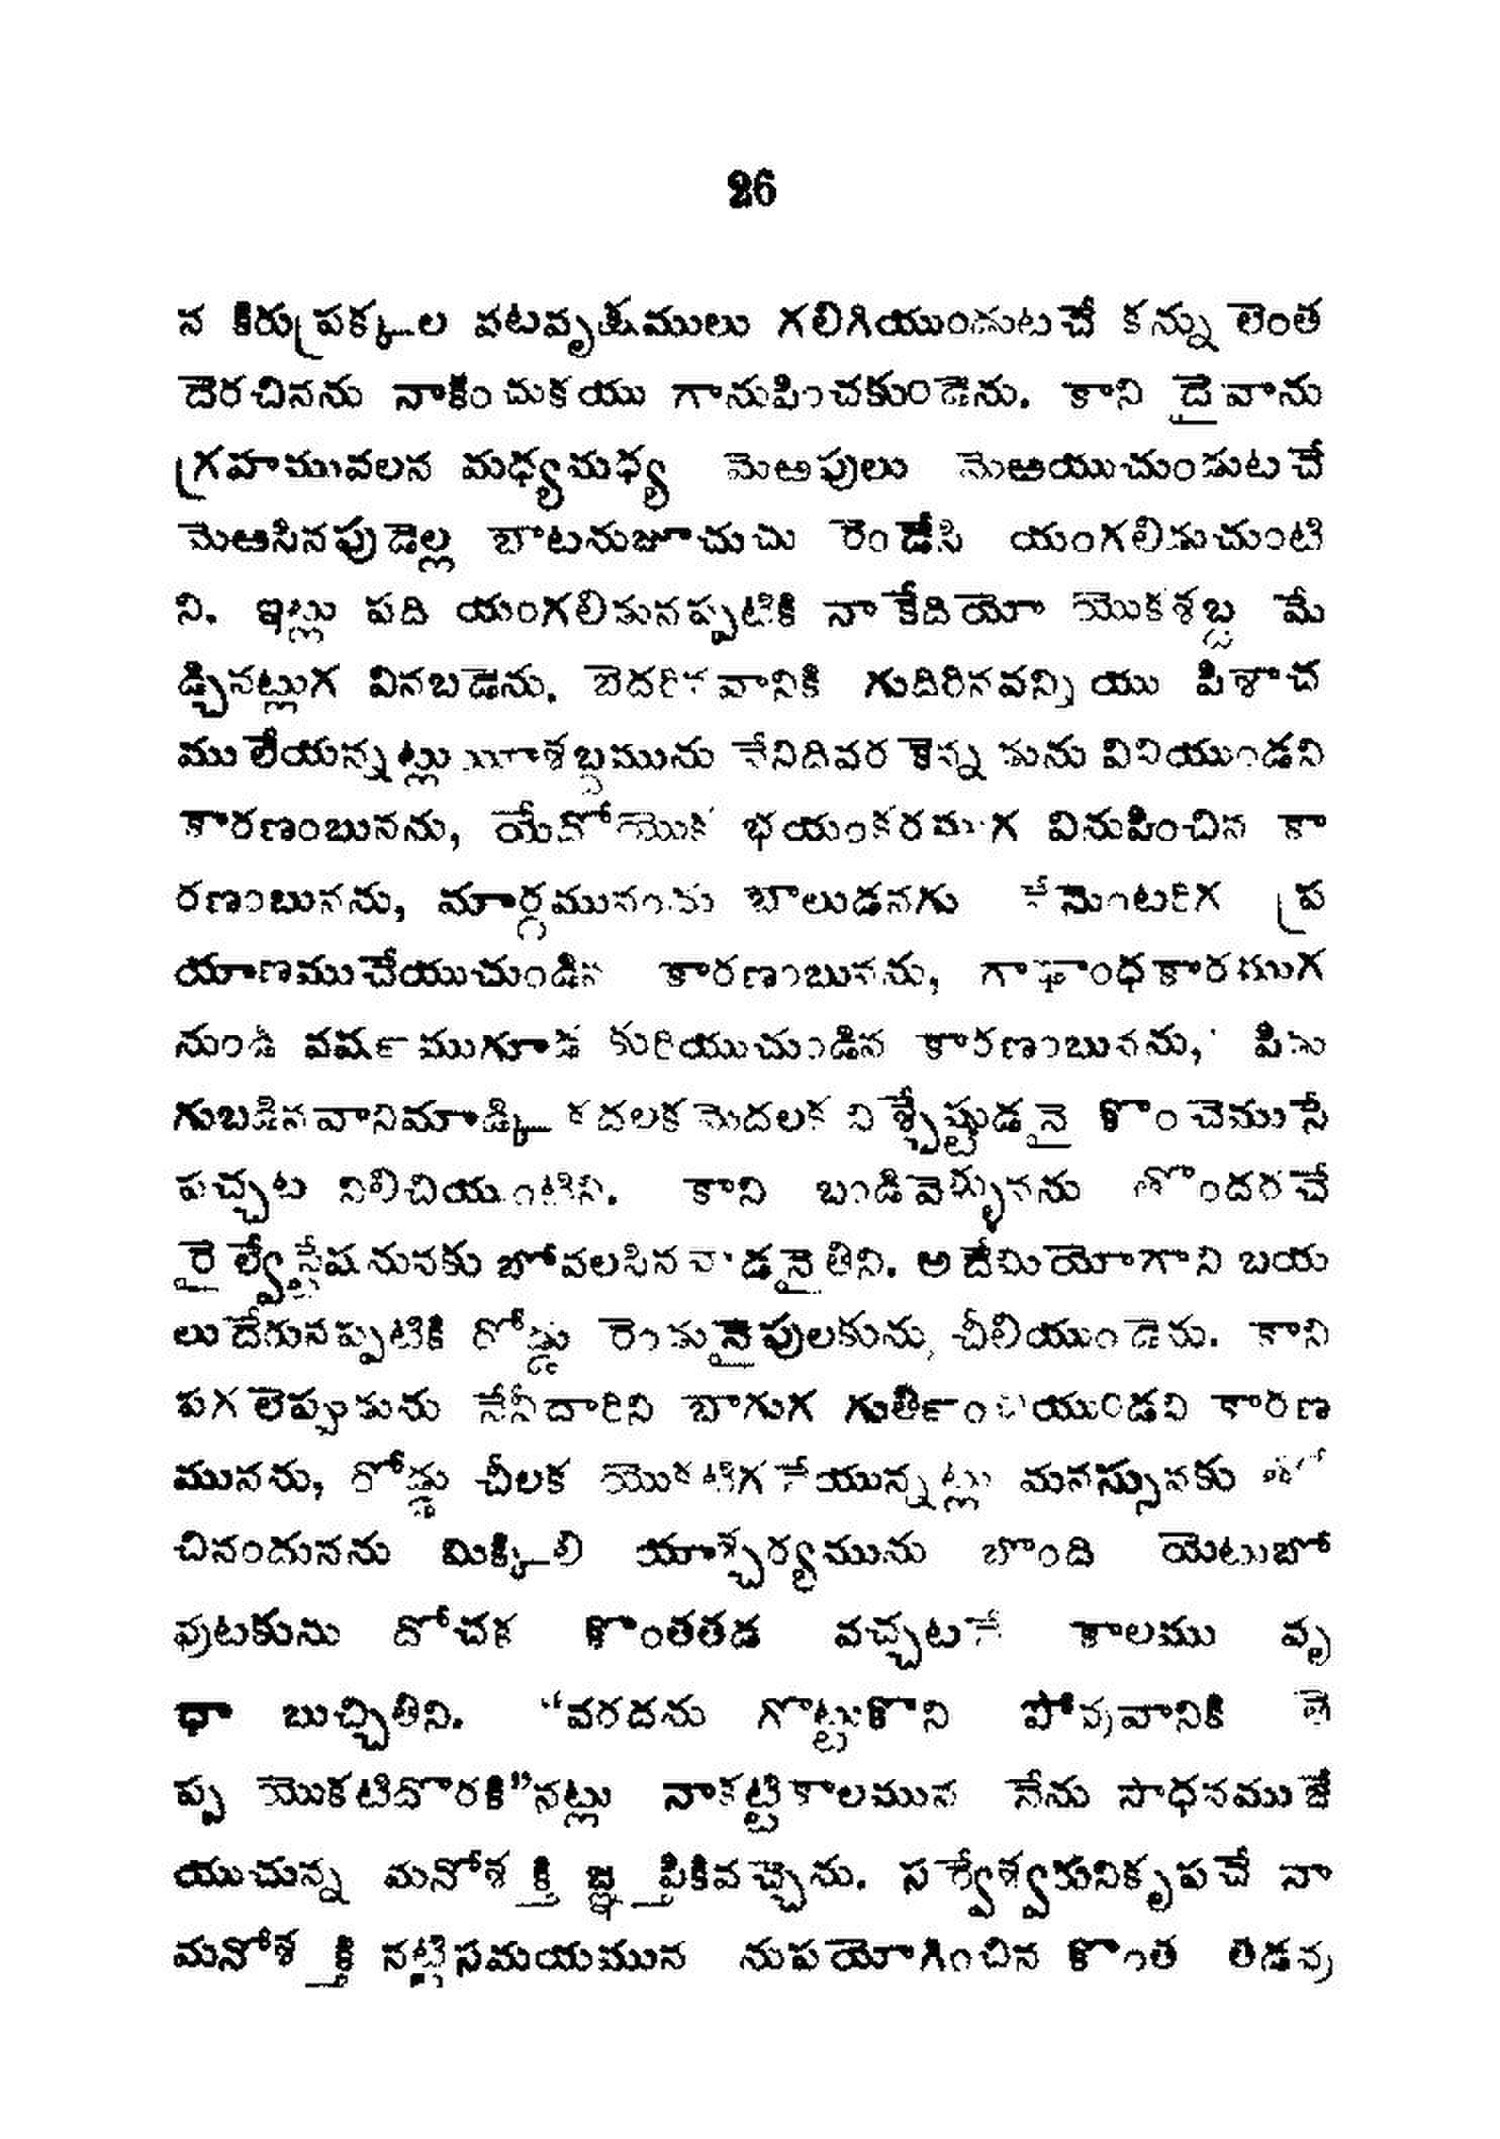న కిరుప్రక్కల వటవృక్షములు గలిగియుండుటచే కన్ను లెంత దెరచినను నాకించుకయు గానుపించ కుండెను. కాని దైవానుగ్రహమువలన మధ్యమధ్య మెఱపులు మెఱయుచుండుటచే మెఱసినపుడెల్ల బాటనుజూచుచు రెండేసి యంగలిడుచుంటిని. ఇట్లు పది యంగలిడునప్పటికి నాకేదియో యొకశబ్ద
మేడ్చినట్లుగ వినబడెను. బెదరినవానికి గుదిరినవన్నియు పిశాచములేయన్నట్లు యీశబ్దమును నేనిదివరకెన్నడును వినియుండని కారణంబునను, యేదోయొక భయంకరముగ వినుపించిన కారణంబునను, మార్గమునందు బాలుడనగు నేనొంటరిగ ప్రయాణముచేయుచుండిన కారణంబునను, గాఢాంధకారముగ నుండి వషన్ ముగూడ కురియుచుండిన కారణంబునను, పిడుగుబడినవానిమాడ్కి కదలక మెదలక నిశ్చేష్టుడనై కొంచెముసేపచ్చట నిలిచియుంటిని. కాని బండివెళ్ళునను తొందరచే రైల్వేస్టేషనునకు బోవలసినవాడనైతిని. అదేమియోగాని బయలు దేరునప్పటికి రోడ్డు రెండువైపులకును, చీలియుండెను. కాని పగలెప్పుడును నేనీదారిని బాగుగ గుతిన్ంచియుండని కారణమునను, రోడ్డు చీలక యొకటిగనేయున్నట్లు మనస్సునకుతో చినందునను మిక్కిలి యాశ్చర్యమును బొంది యెటుబోవుటకును దోచక కొంతతడ వచ్చటనే కాలము వృధా బుచ్చితిని. “వరదను గొట్టుకొని పోవువానికి తెప్ప యొకటిదొరకి”నట్లు నాకట్టికాలమున నేను సాధనముజేయుచున్న మనోశక్తి జ్ఞప్తికివచ్చెను. సర్వేశ్వరునికృపచే నామనోశక్తి నట్టిసమయమున నుపయోగించిన కొంత తడవు